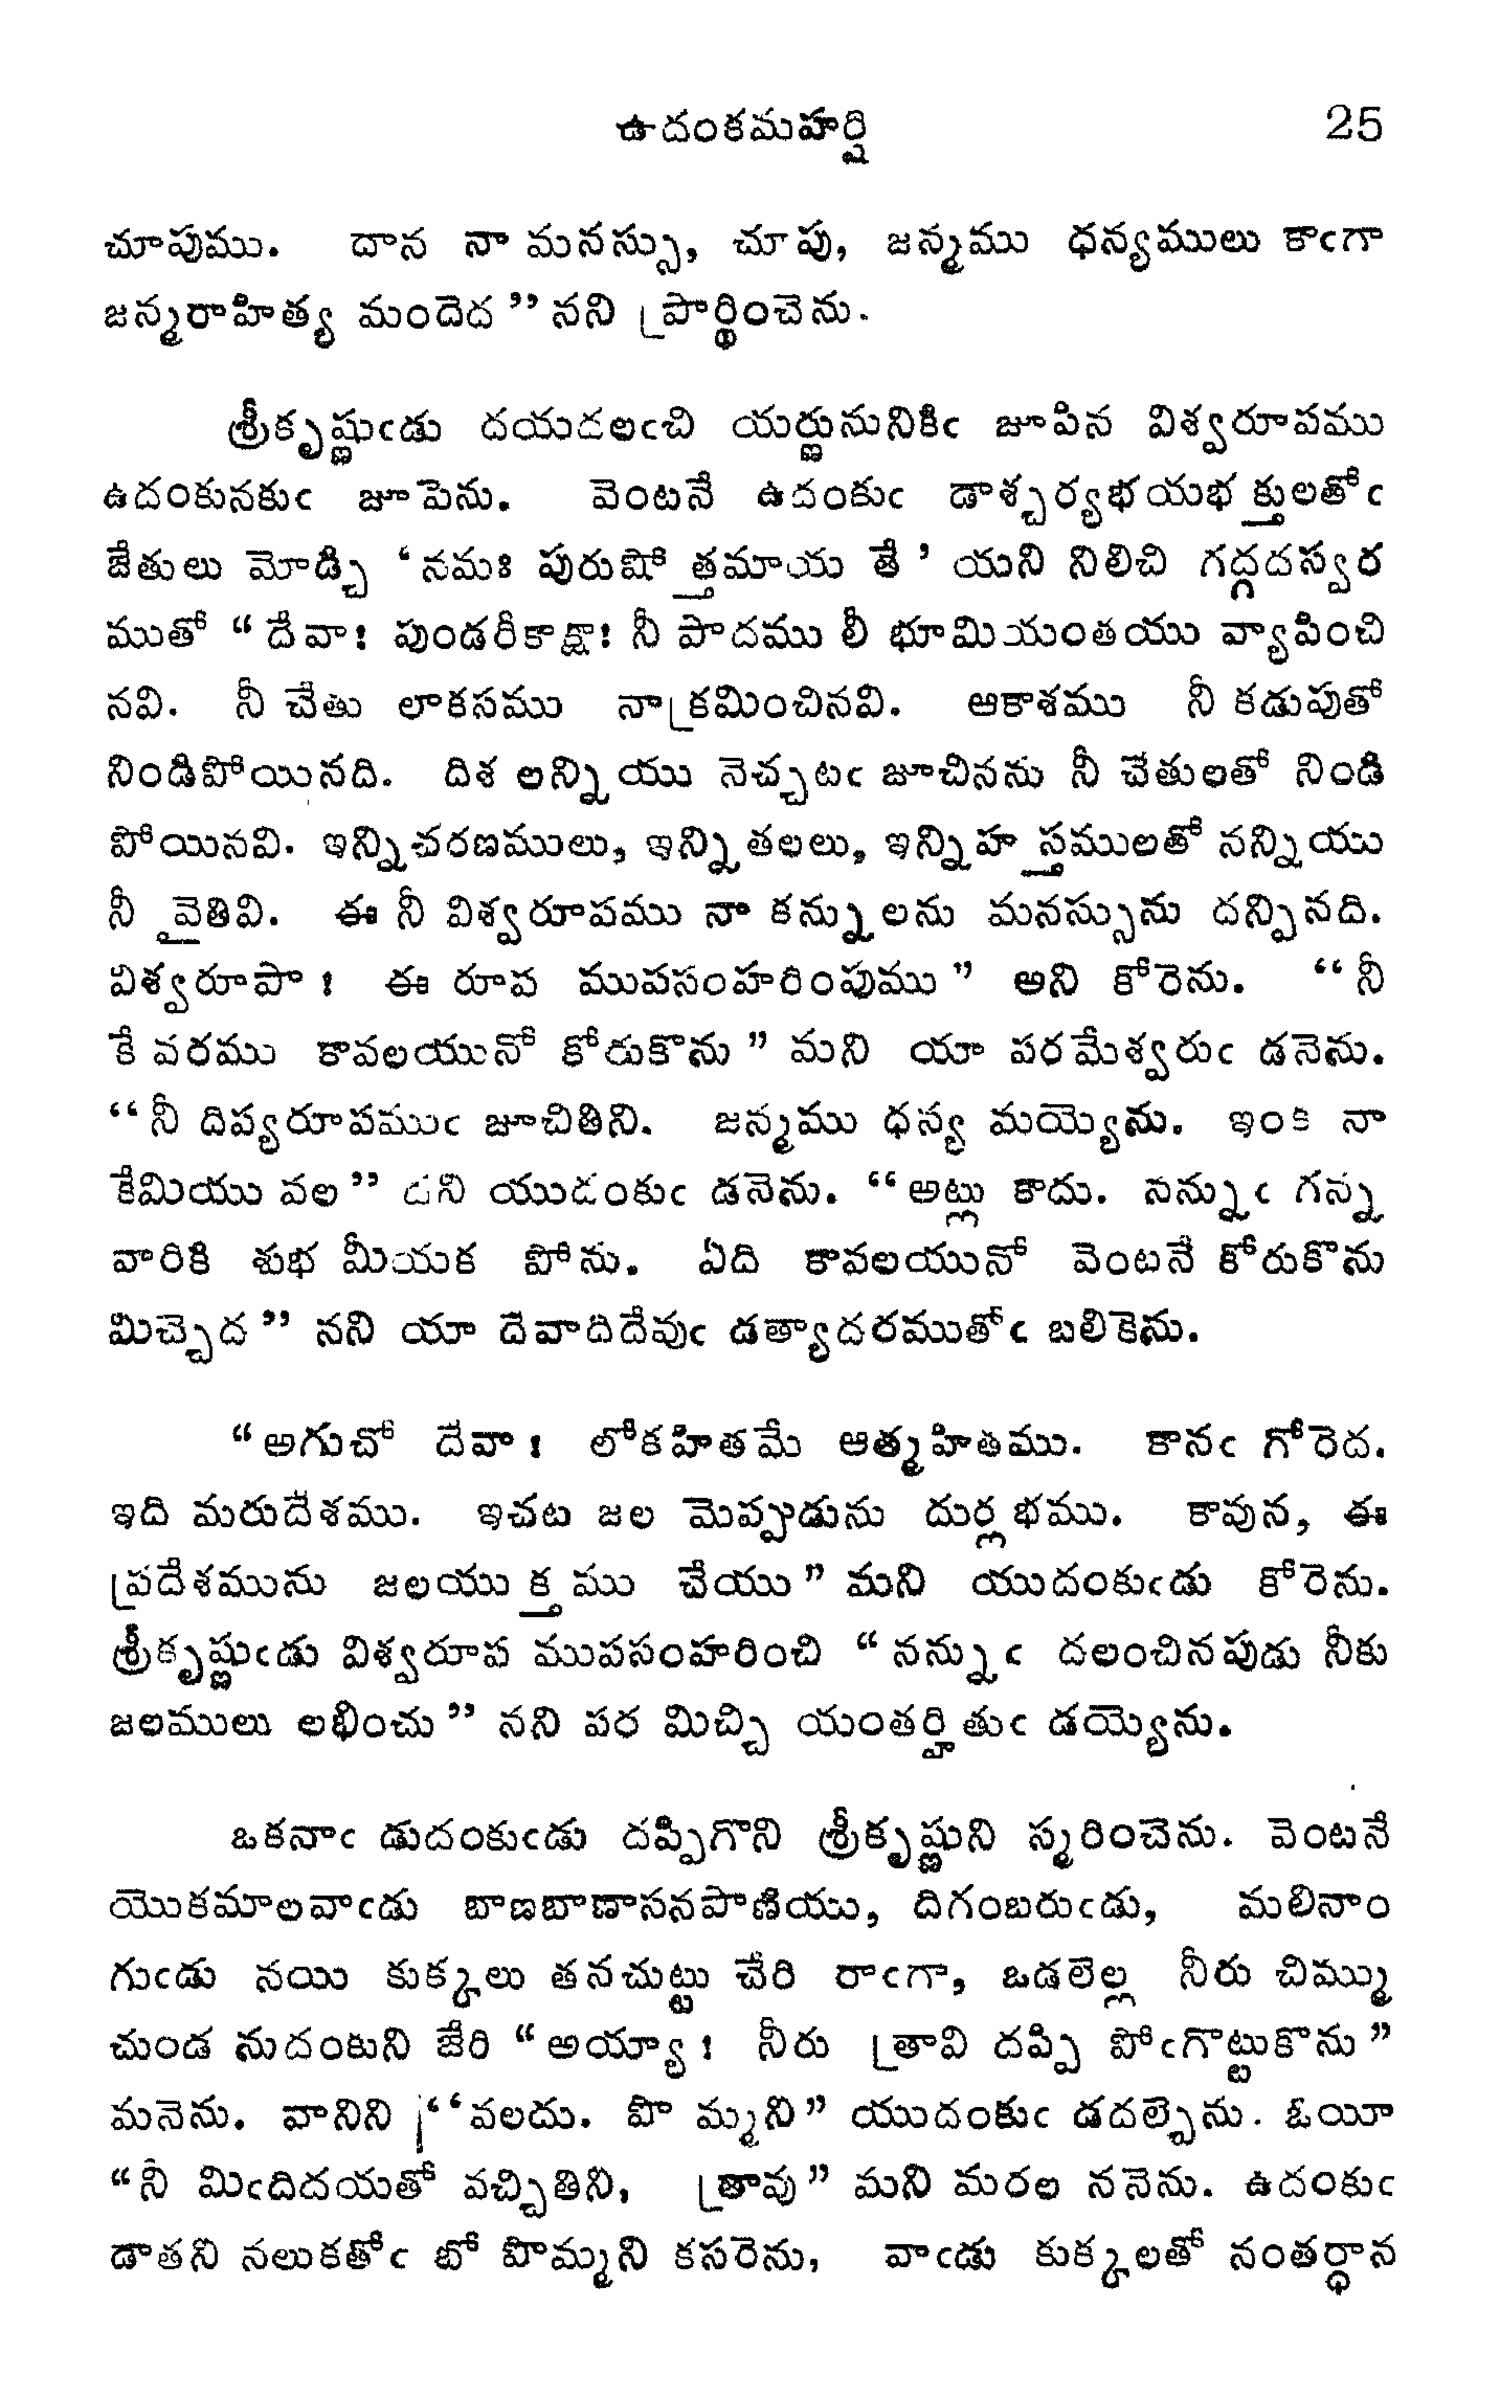చూపుము. దాన నా మనస్సు, చూపు, జన్మము ధన్యములు కాఁగా జన్మరాహిత్య మందెద" నని ప్రార్థించెను .

శ్రీకృష్ణుఁడు దయదలఁచి యర్జునునికిఁ జూపిన విశ్వరూపము ఉదంకునకుఁ జూపెను. వెంటనే ఉదంకుఁ డాశ్చర్యభయభక్తులతోఁ జేతులు మోడ్చి “నమః పురుషో త్తమాయ తే" యని నిలిచి గద్దదస్వరముతో "దేవా! పుండరీకాక్షా! నీ పాదము లీ భూమియంతయు వ్యాపించినవి. నీ చేతు లాకసము నాక్రమించినవి. ఆకాశము నీ కడుపుతో నిండిపోయినది. దిశ లన్నియు నెచ్చటఁ జూచినను నీ చేతులతో నిండి పోయినవి. ఇన్నిచరణములు, ఇన్ని తలలు, ఇన్ని హస్తములతో నన్నియు నీ వైతివి. ఈ నీ విశ్వరూపము నా కన్నులను మనస్సును దన్పినది. విశ్వరూపా ! ఈ రూప ముపసంహరింపుము" అని కోరెను. "నీ కే వరము కావలయునో కోరుకొను” మని యా పరమేశ్వరుఁ డనెను. “నీ దివ్యరూపముఁ జూచితిని. జన్మము ధన్య మయ్యెను. ఇంక నా కేమియు వల" దని యుదంకుఁ డనెను. “ అట్లు కాదు. నన్నుఁ గన్న వారికి శుభ మీయక పోను. ఏది కావలయునో వెంటనే కోరుకొను మిచ్చెద" నని యా దేవాదిదేవుఁ డత్యాదరముతోఁ బలికెను.

“అగుచో దేవా ! లోకహితమే ఆత్మహితము. కానఁ గోరెద. ఇది మరుదేశము. ఇచట జల మెప్పుడును దుర్లభము. కావున, ఈ ప్రదేశమును జలయుక్తము చేయు" మని యుదంకుఁడు రోరెను. శ్రీకృష్ణుఁడు విశ్వరూప ముపసంహరించి “నన్నుఁ దలంచినపుడు నీకు జలములు లభించు” నని వర మిచ్చి యంతర్హి తుఁ డయ్యెను.

ఒకనాఁ డుదంకుఁడు దప్పిగొని శ్రీకృష్ణుని స్మరించెను. వెంటనే యొకమాలవాఁడు బాణబాణాసన పాణియు, దిగంబరుఁడు, మలినాంగుఁడు నయి కుక్కలు తన చుట్టు చేరి రాఁగా, ఒడలెల్ల నీరు చిమ్ముచుండ నుదంకుని జేరి "అయ్యా! నీరు త్రావి దప్పి పోఁగొట్టుకొను” మనెను. వానిని "వలదు. పొ మ్మని” యుదంకుఁ డదల్బెను . ఓయీ "నీ మీఁదిదయతో వచ్చితిని, త్రావు” మని మరల ననెను. ఉదంకుఁ డాతని నలుకతోఁ బో పొమ్మని కసరెను, వాఁడు కుక్కలతో నంతర్ధాన